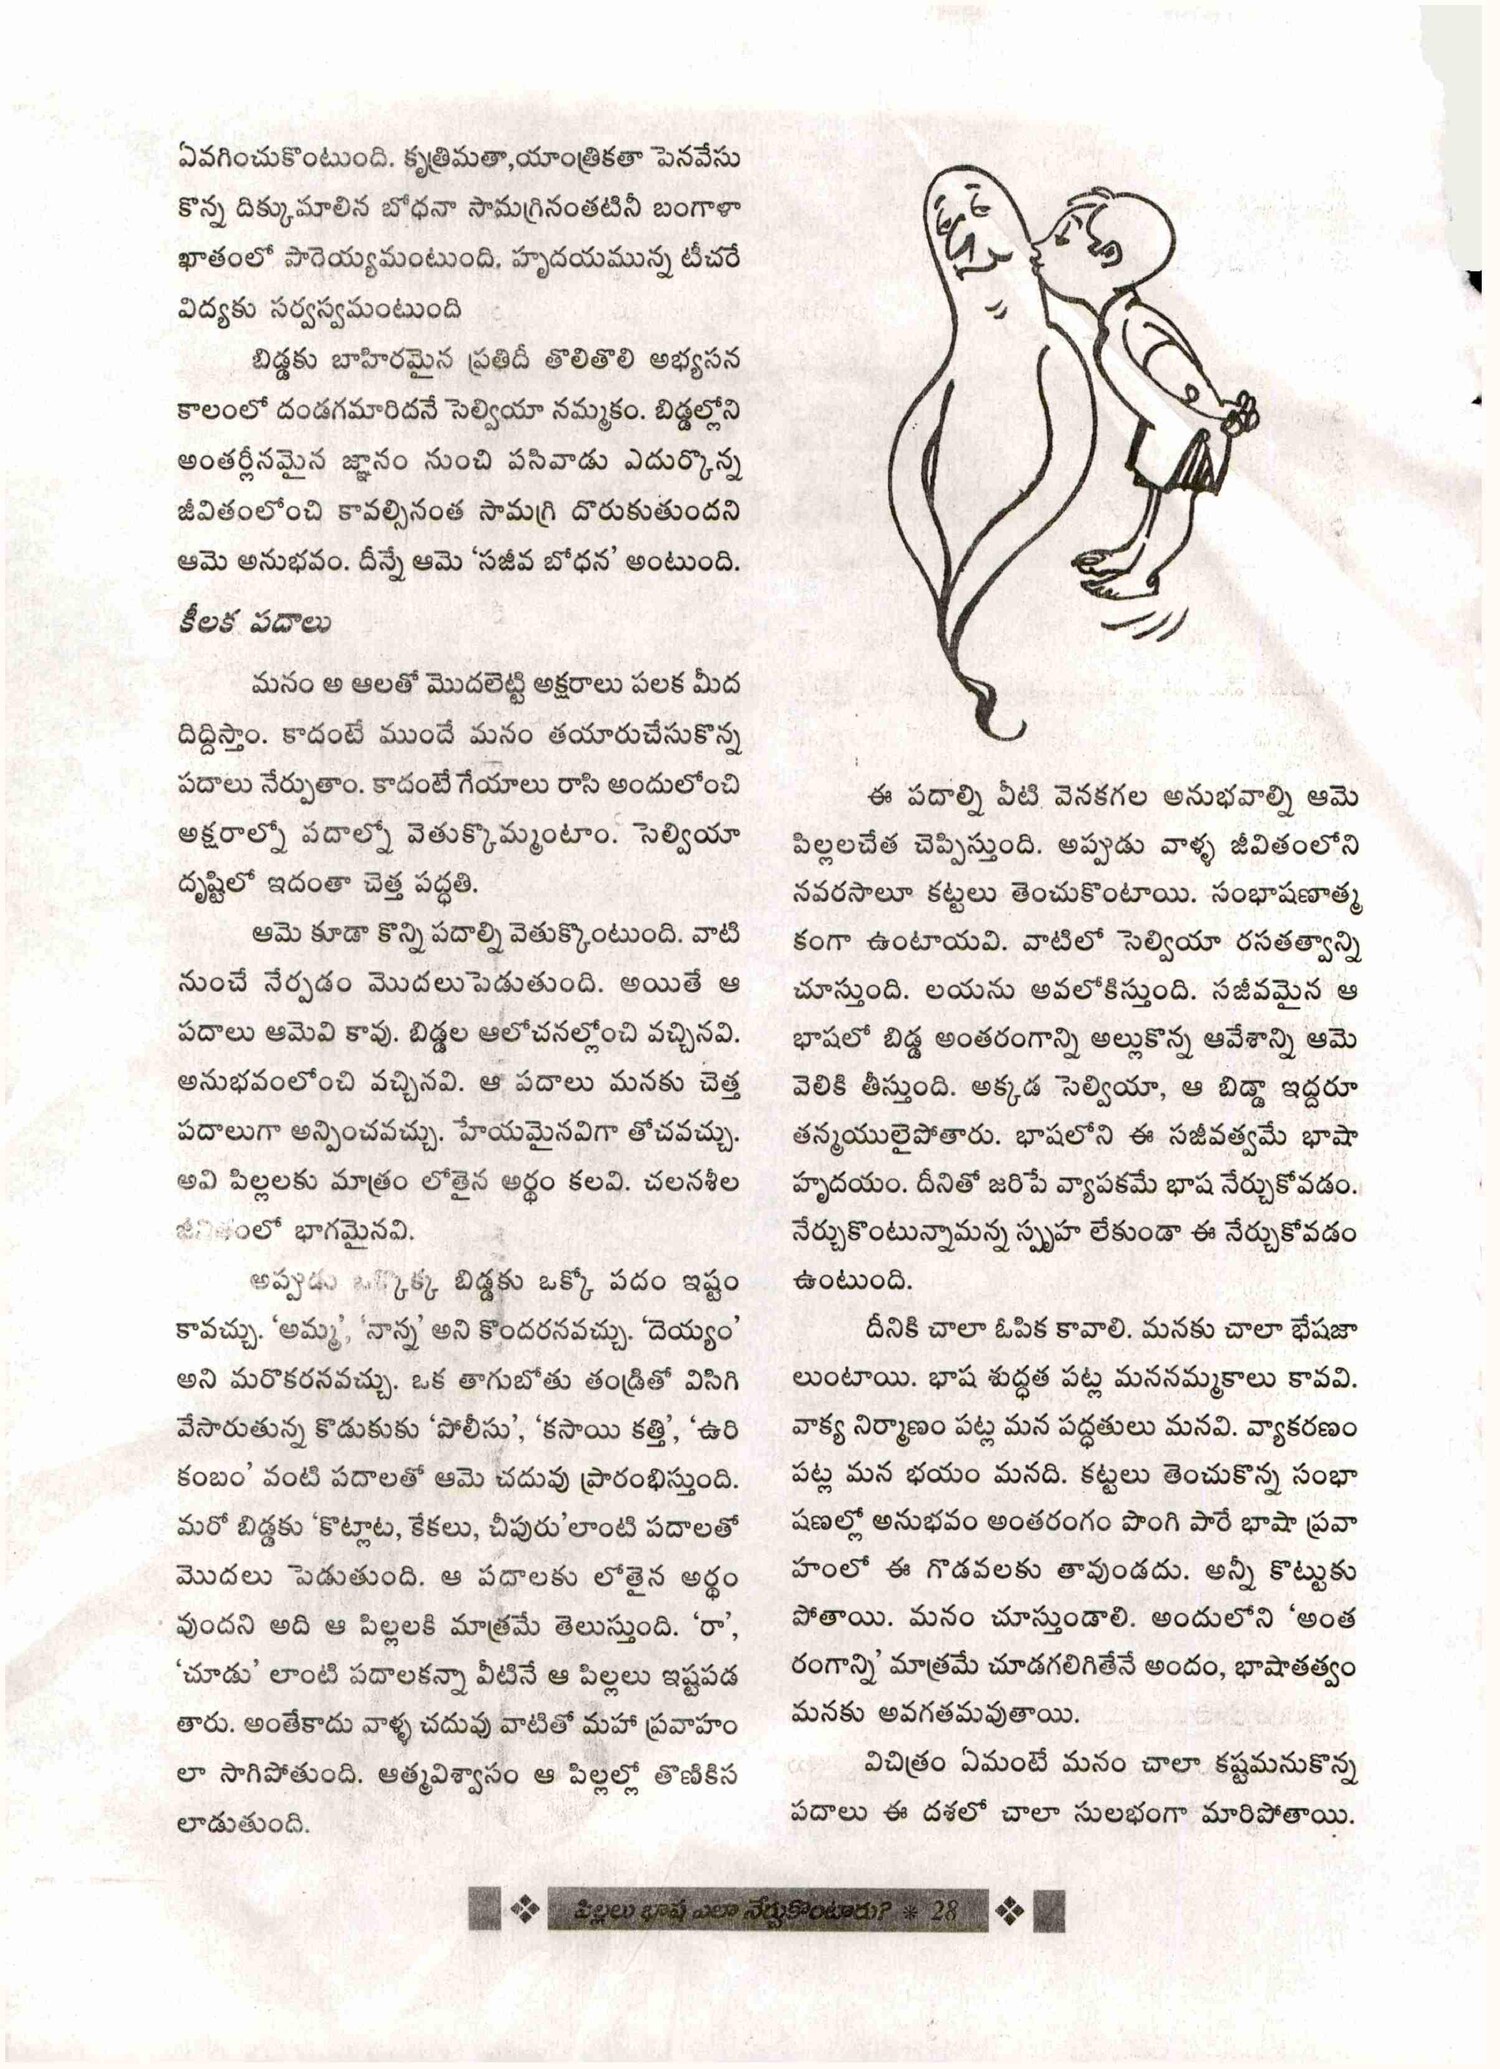ఏవగించుకొంటుంది. కృత్రిమతా, యాంత్రికతా పెనవేసుకొన్న దిక్కుమాలిన బోధనా సామగ్రినంతటినీ బంగాళా
ఖాతంలో పారెయ్యమంటుంది. హృదయమున్న టీచరే విద్యకు సర్వస్వమంటుంది

బిడ్డకు బాహిరమైన ప్రతిదీ తొలితొలి అభ్యసన కాలంలో దండగమారిదనే సెల్వియా నమ్మకం. బిడ్డల్లోని అంతర్లీనమైన జ్ఞానం నుంచి పసివాడు ఎదుర్కొన్న జీవితంలోంచి కావల్సినంత సామగ్రి దొరుకుతుందని ఆమె అనుభవం. దీన్నే ఆమె 'సజీవ బోధన' అంటుంది.

కీలక పదాలు

మనం అ ఆలతో మొదలెట్టి అక్షరాలు పలక మీద దిద్దిస్తాం. కాదంటే ముందే మనం తయారుచేసుకొన్న పదాలు నేర్పుతాం. కాదంటే గేయాలు రాసి అందులోంచి అక్షరాల్నో పదాల్నో వెతుక్కొమ్మంటాం. సెల్వియా దృష్టిలో ఇదంతా చెత్త పద్ధతి.

ఆమె కూడా కొన్ని పదాల్ని వెతుక్కొంటుంది. వాటి నుంచే నేర్పడం మొదలు పెడుతుంది. అయితే ఆ పదాలు ఆమెవి కావు. బిడ్డల ఆలోచనల్లోంచి వచ్చినవి. అనుభవంలోంచి వచ్చినవి. ఆ పదాలు మనకు చెత్త పదాలుగా అన్పించవచ్చు. హేయమైనవిగా తోచవచ్చు. అవి పిల్లలకు మాత్రం లోతైన అర్థం కలవి. చలనశీల జీవితంలో భాగమైనవి.

అప్పుడు ఒక్కొక్క బిడ్డకు ఒక్కో పదం ఇష్టం కావచ్చు. 'అమ్మ', 'నాన్న' అని కొందరనవచ్చు. 'దెయ్యం' అని మరొకరనవచ్చు. ఒక తాగుబోతు తండ్రితో విసిగి వేసారుతున్న కొడుకుకు 'పోలీసు', 'కసాయి కత్తి', 'ఉరికంబం' వంటి పదాలతో ఆమె చదువు ప్రారంభిస్తుంది. మరో బిడ్డకు 'కొట్లాట, కేకలు, చీపురు'లాంటి పదాలతో మొదలు పెడుతుంది. ఆ పదాలకు లోతైన అర్థం వుందని అది ఆ పిల్లలకి మాత్రమే తెలుస్తుంది. 'రా', 'చూడు' లాంటి పదాలకన్నా వీటినే ఆ పిల్లలు ఇష్టపడతారు. అంతేకాదు వాళ్ళ చదువు వాటితో మహా ప్రవాహం లా సాగిపోతుంది. ఆత్మవిశ్వాసం ఆ పిల్లల్లో తొణికిస లాడుతుంది.

ఈ పదాల్ని వీటి వెనకగల అనుభవాల్ని ఆమె పిల్లలచేత చెప్పిస్తుంది. అప్పుడు వాళ్ళ జీవితంలోని నవరసాలూ కట్టలు తెంచుకొంటాయి. సంభాషణాత్మకంగా ఉంటాయవి. వాటిలో సెల్వియా రసతత్వాన్ని చూస్తుంది. లయను అవలోకిస్తుంది. సజీవమైన ఆ భాషలో బిడ్డ అంతరంగాన్ని అల్లుకొన్న ఆవేశాన్ని ఆమె వెలికి తీస్తుంది. అక్కడ సెల్వియా, ఆ బిడ్డా ఇద్దరూ తన్మయులైపోతారు. భాషలోని ఈ సజీవత్వమే భాషా హృదయం. దీనితో జరిపే వ్యాపకమే భాష నేర్చుకోవడం. నేర్చుకొంటున్నామన్న స్పృహ లేకుండా ఈ నేర్చుకోవడం ఉంటుంది.

దీనికి చాలా ఓపిక కావాలి. మనకు చాలా భేషజా లుంటాయి. భాష శుద్ధత పట్ల మననమ్మకాలు కావవి. వాక్య నిర్మాణం పట్ల మన పద్ధతులు మనవి. వ్యాకరణం పట్ల మన భయం మనది. కట్టలు తెంచుకొన్న సంభాషణల్లో అనుభవం అంతరంగం పొంగి పారే భాషా ప్రవాహంలో ఈ గొడవలకు తావుండదు. అన్నీ కొట్టుకు పోతాయి. మనం చూస్తుండాలి. అందులోని 'అంతరంగాన్ని' మాత్రమే చూడగలిగితేనే అందం, భాషాతత్వం మనకు అవగతమవుతాయి.

విచిత్రం ఏమంటే మనం చాలా కష్టమనుకొన్న పదాలు ఈ దశలో చాలా సులభంగా మారిపోతాయి.